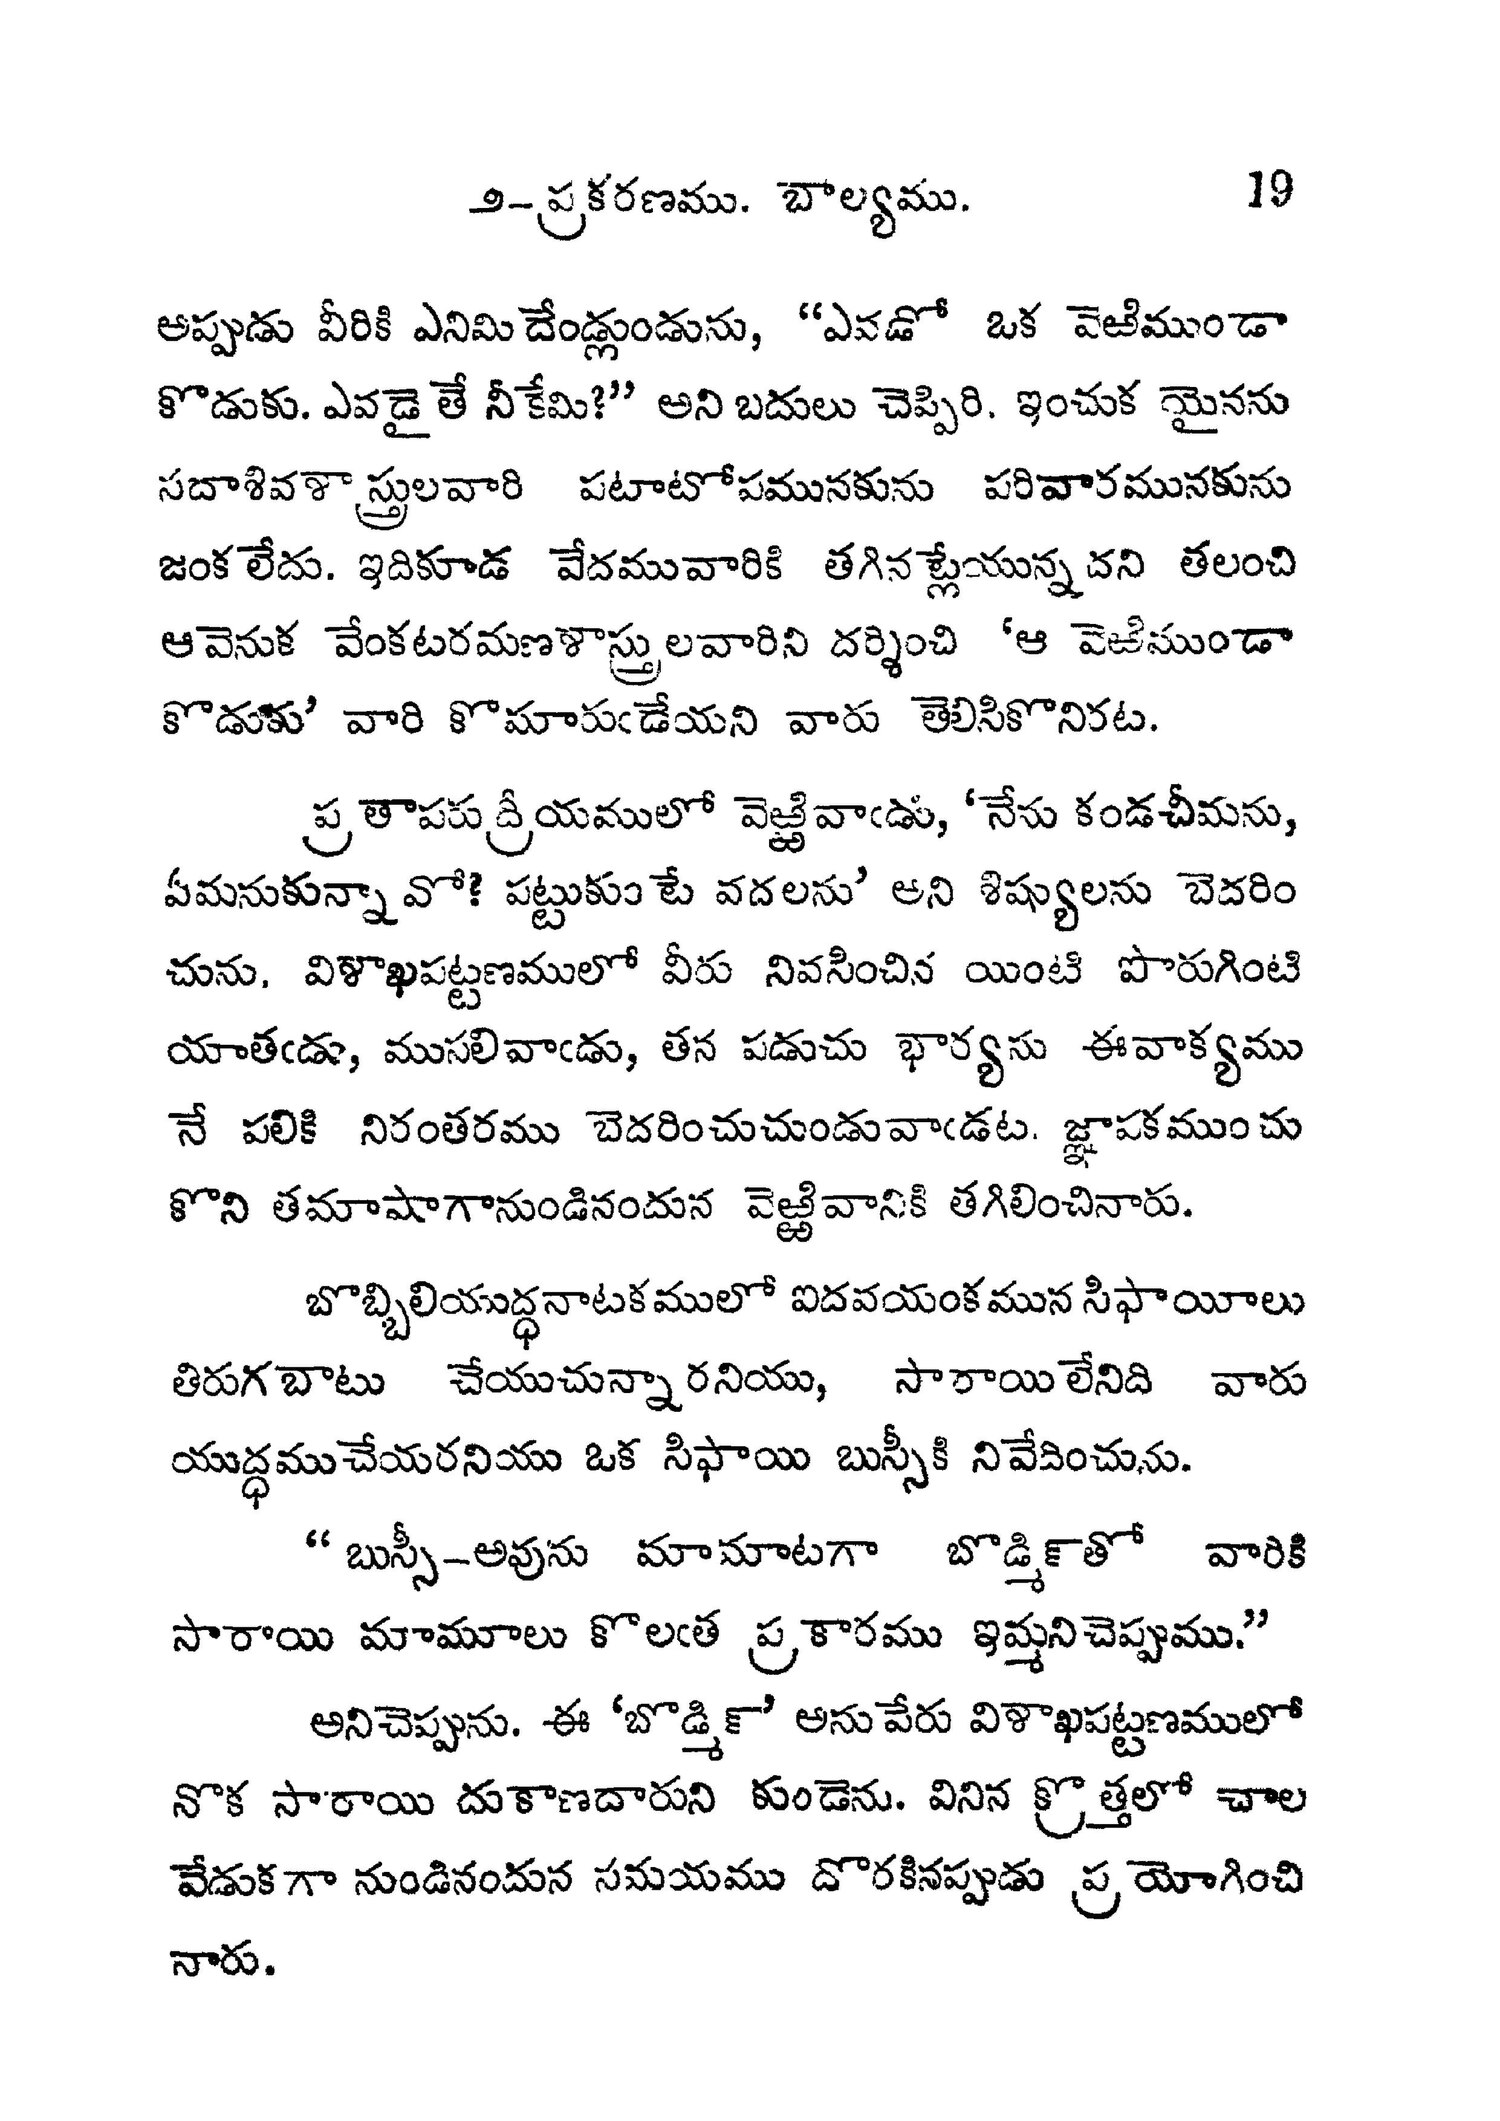అప్పుడు వీరికి ఎనిమిదేండ్లుండును, "ఎవడో ఒక వెఱిముండా కోదుకు. ఎవడైతే నీకేమి?" అని బదులు చెప్పిరి. ఇంచుక యైనను సదాశివశాస్త్రులవారి పటాటోపమునకును పరివారమునకును జంకలేదు. ఇదికూడ వేదమువారికి తగినట్లేయున్నదని తలంచి ఆవెనుక వేంకటరమణశాస్త్రులవారిని దర్శించి 'ఆ వెఱిముండా కొడుకు' వారి కుమారుడేయని వారు తెలిసికొనిరట.

ప్రతాపరుద్రీయములో వెఱ్ఱివాడు, 'నేను కండచీమను, ఏమనుకున్నావో? పట్టుకుంటే వదలను' అని శిష్యులను బెదరించును. విశాఖపట్టణములో వీరు నివసించిన యింటి పొరుగింటి యాతడు, ముసలివాడు, తన పడుచు భార్యను ఈవాక్యమునే పలికి నిరంతరము బెదరించుచుండువాడట. జ్ఞాపకముంచుకొని తమాషాగానుండినందున వెఱ్ఱివానికి తగిలించినారు.

బొబ్బిలియుద్ధనాటకములో ఐదవయంకమున సిఫాయీలు తిరుగబాటు చేయుచున్నారనియు, సారాయిలేనిది వారు యుద్ధముచేయరనియు ఒక సిఫాయి బుస్సీకి నివేదించును.

"బుస్సీ - అవును మామాటగా బొడ్మిన్‌తో వారికి సారాయి మామూలు కొలత ప్రకారము ఇమ్మనిచెప్పుము."

అనిచెప్పును. ఈ 'బొడ్మిణ్ అనుపేరు విశాఖపట్టణములో నొక సారాయి దుకాణదారుని కుండెను. వినిన క్రొత్తలో చాల వేడుకగా నుండినందున సమయము దొరకినప్పుడు ప్రయోగించినారు.